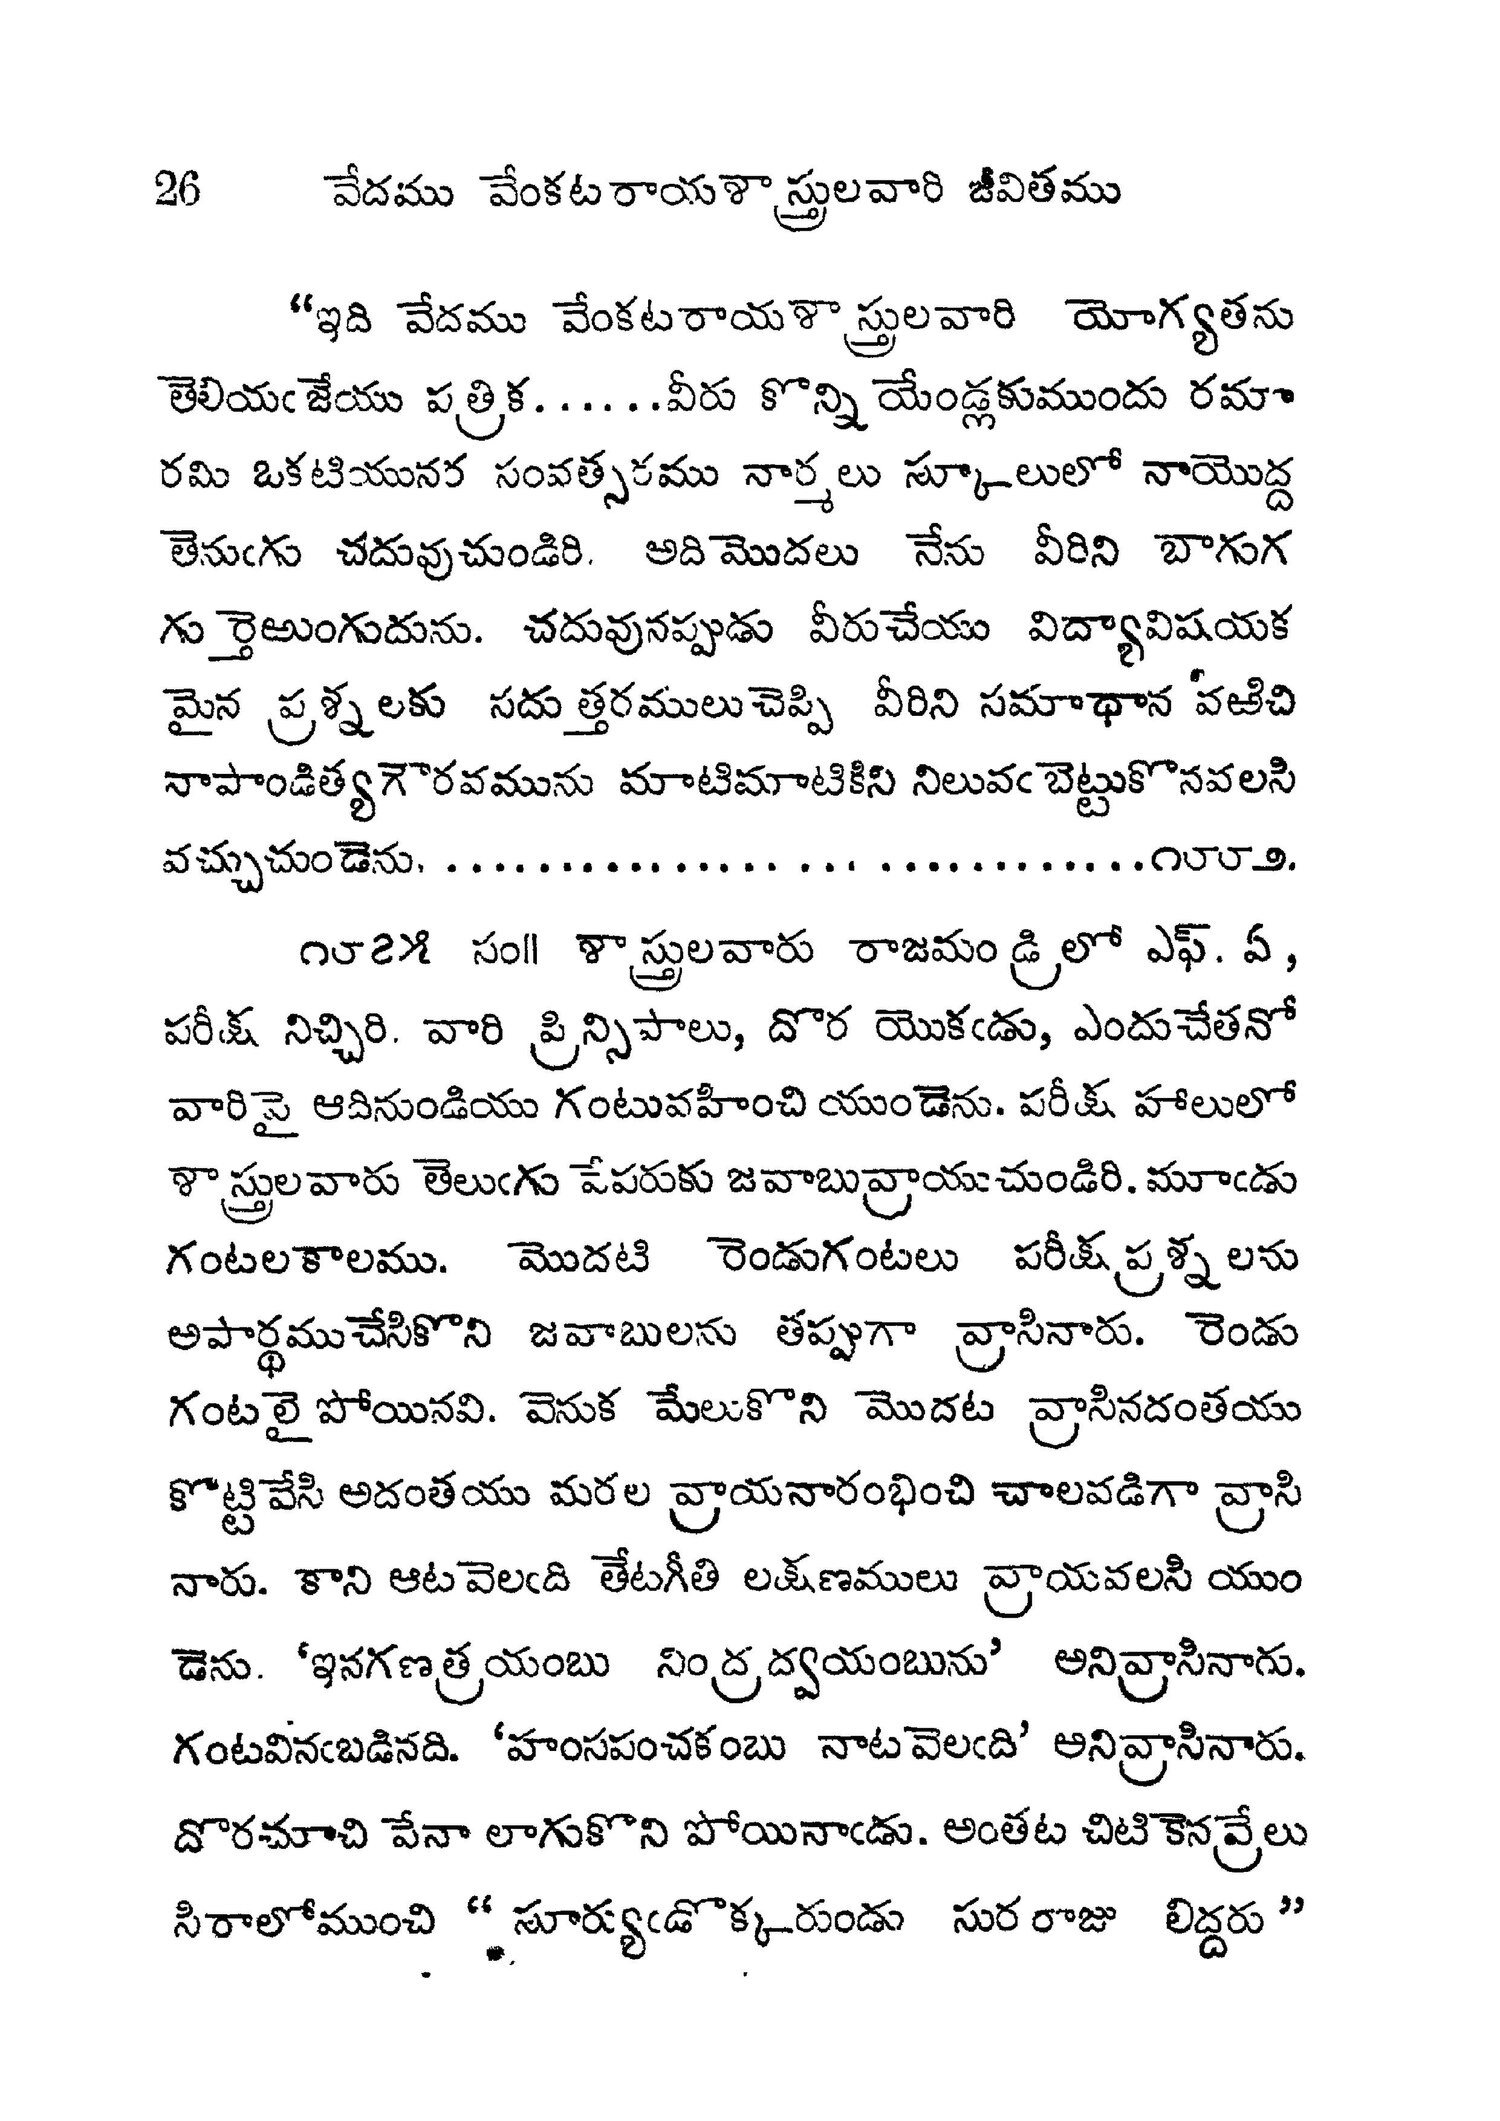"ఇది వేదము వేంకటరాయశాస్త్రులవారి యోగ్యతను తెలియజేయు పత్రిక ....... వీరు కొన్ని యేండ్లకుముందు రమారమి ఒకటియునర సంవత్సరము నార్మలు స్కూలులో నాయొద్ద తెనుగు చదువుచుండిరి. అది మొదలు నేను వీరిని బాగుగ గుర్తెఱుంగుదును. చదువునప్పుడు వీరుచేయు విద్యావిషయకమైన ప్రశ్నలకు సదుత్తరములుచెప్పి వీరిని సమాథాన పఱచి నాపాండిత్యగౌరవమును మాటిమాటికిని నిలువ బెట్టుకొనవలసి వచ్చుచుండెను............................1882.

1875 సం. శాస్త్రులవారు రాజమండ్రిలో ఎఫ్.ఏ. పరీక్ష నిచ్చిరి. వారి ప్రిన్సిపాలు, దొర యొకడు, ఎందుచేతనో వారిపై ఆదినుండియు గంటువహించి యుండెను. పరీక్ష హాలులో శాస్త్రులవారు తెలుగు పేపరుకు జవాబువ్రాయుచుండిరి. మూడు గంటలకాలము. మొదటి రెండుగంటలు పరీక్షప్రశ్నలను అపార్థముచేసికొని జవాబులను తప్పుగా వ్రాసినారు. రెండు గంటలై పోయినవి. వెనుక మేలుకొని మొదట వ్రాసినదంతయు కొట్టివేసి అదంతయు మరల వ్రాయనారంభించి చాలవడిగా వ్రాసినారు. కాని ఆటవెలది తేటగీతి లక్షణములు వ్రాయవలసి యుండెను. 'ఇనగణత్రయంబు నింద్ర ద్వయంబును' అనివ్రాసినారు. గంటవినబడినది. 'హంసపంచకంబు నాటవెలది' అనివ్రాసినారు. దొరచూచి పేనా లాగుకొని పోయినాడు. అంతట చిటెకెనవ్రేలు సిరాలోముంచి "సూర్యుడొక్కరుండు సుర రాజు లిద్దరు"